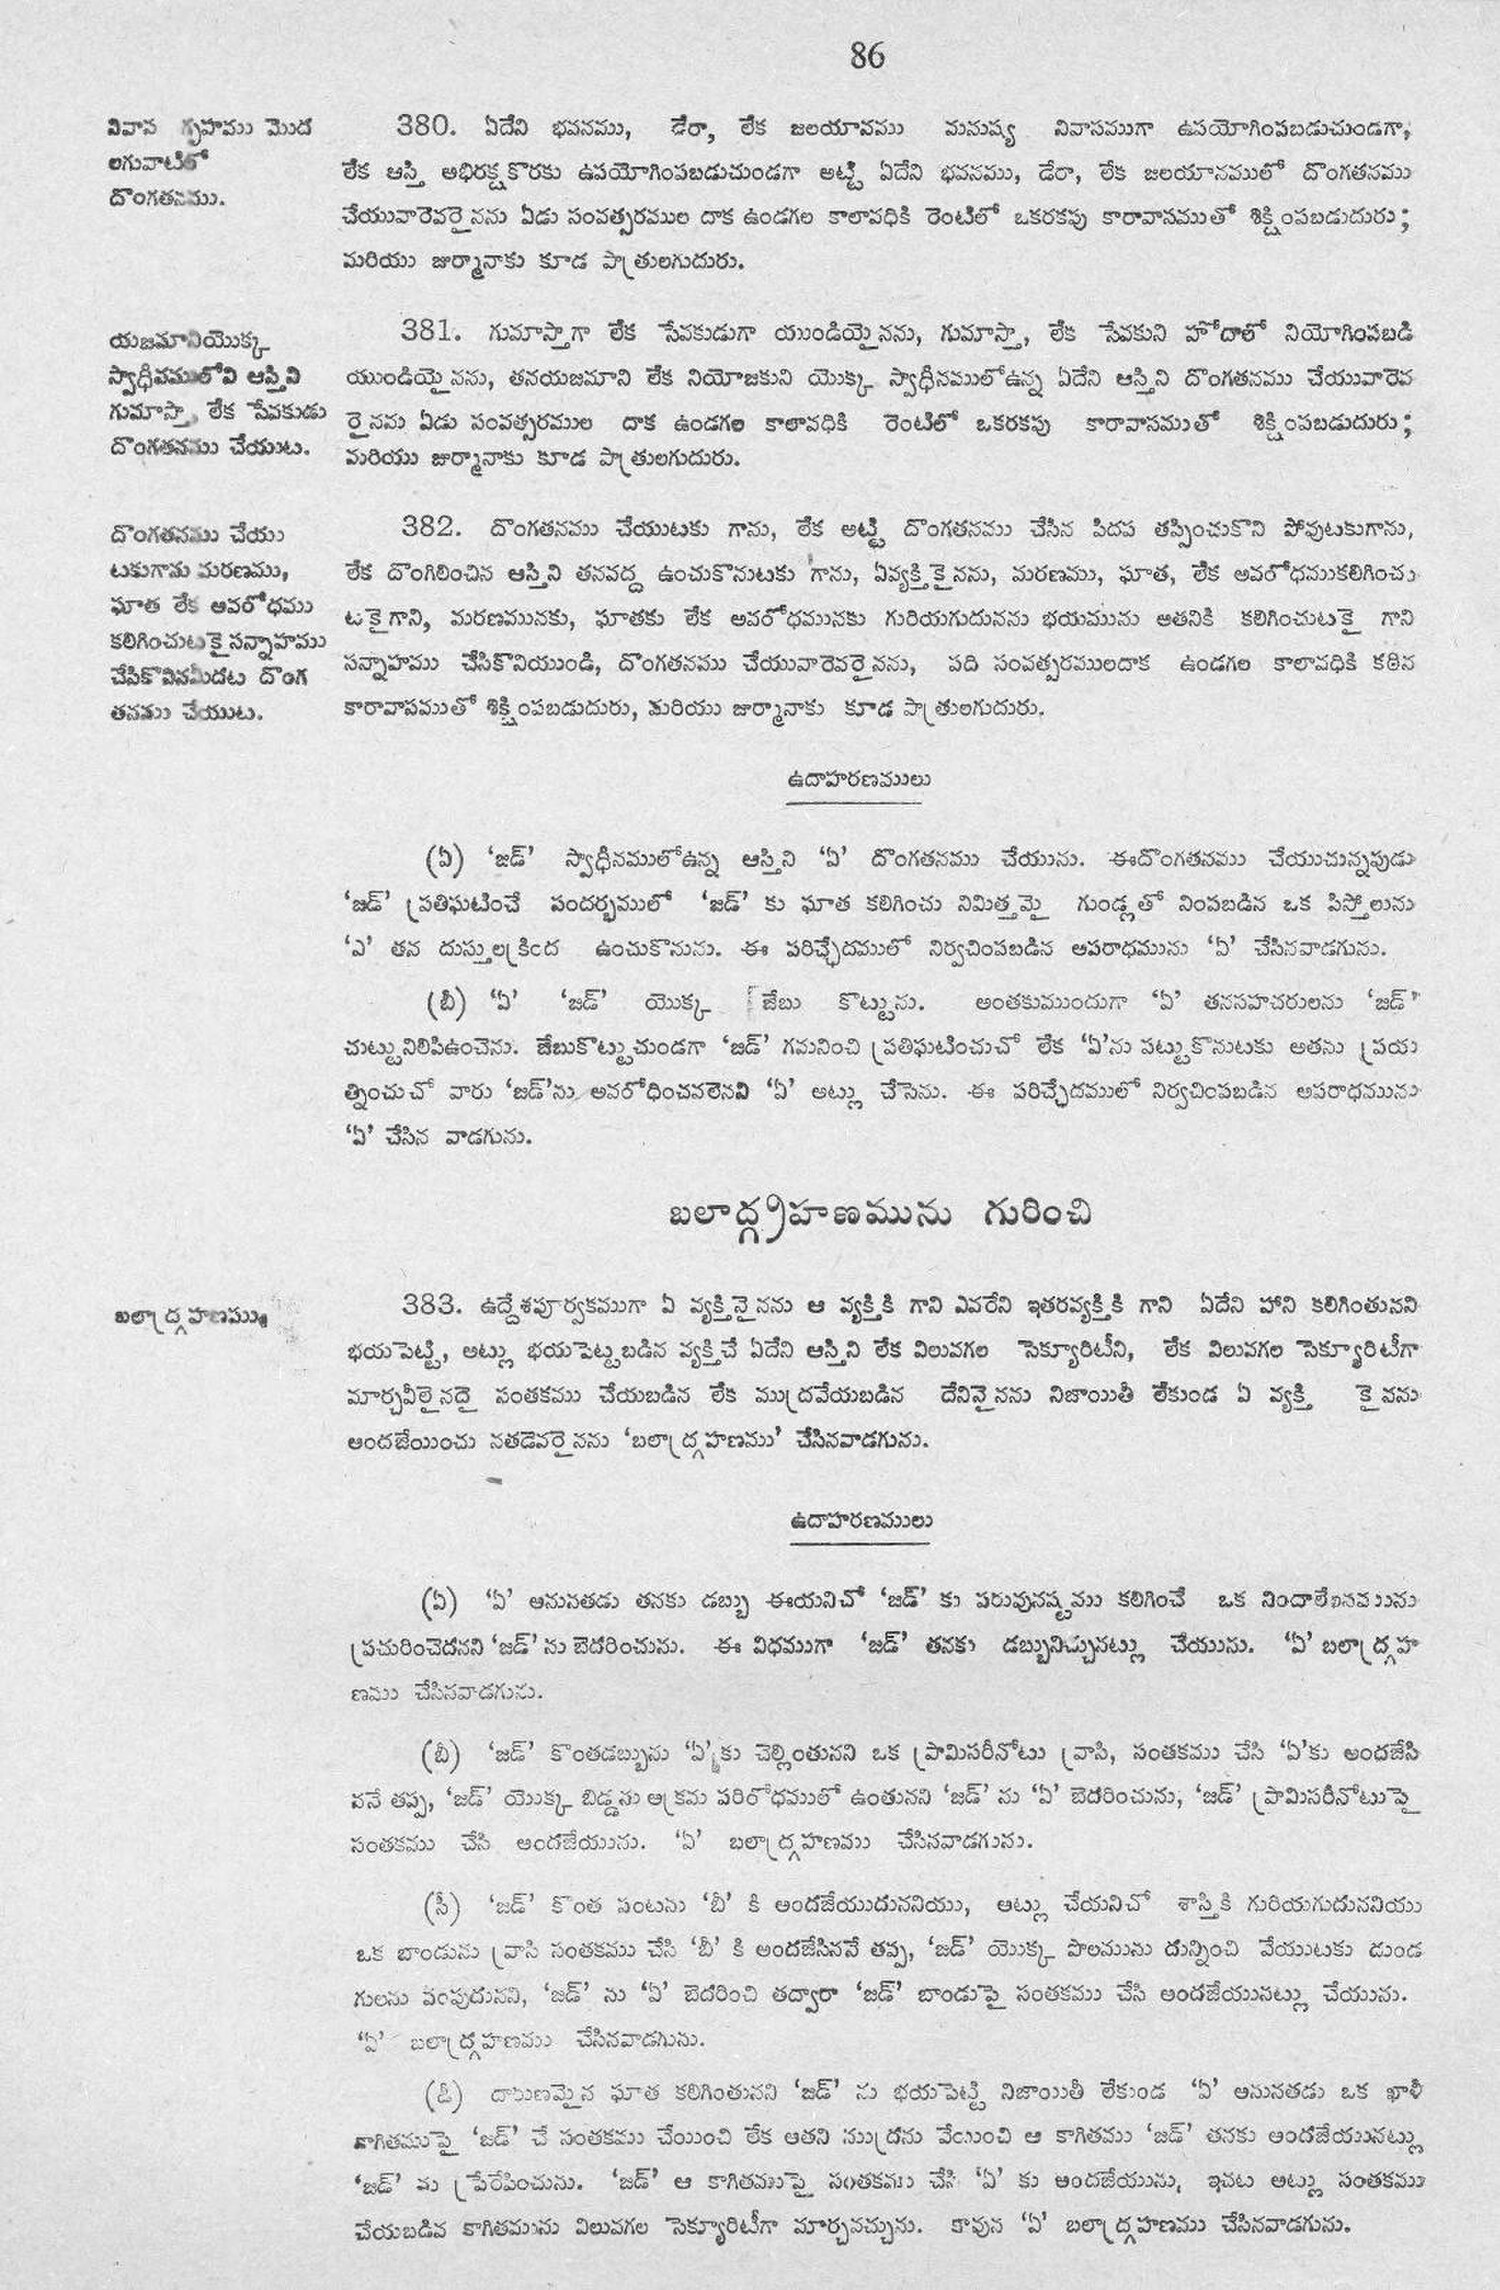నివాస గృహము మొదలగువాటిలో దొంగతనము.

380. ఏదేని భవనము, డేరా, లేక జలయానము మనుష్య నివాసముగా ఉపయోగింపబడుచుండగా, లేక ఆస్తి అభిరక్ష కొరకు ఉపయోగింపబడుచుండగా అట్టి ఏదేని భవనము, డేరా, లేక జలయానములో దొంగతనము చేయువారెవరైనను ఏడు సంవత్సరముల దాక ఉండగల కాలావధికి రెంటిలో ఒకరకపు కారావాసముతో శిక్షింపబడుదురు; మరియు జుర్మానాకు కూడ పాత్రులగుదురు.

యజమాని యొక్క స్వాధీనములోని ఆస్తిని గుమాస్తా, లేక సేవకుడు దొంగతనము చేయుట,

381. గుమాస్తాగా లేక సేవకుడుగా యుండియైనను, గుమాస్తా, లేక సేవకుని హోదాలో నియోగింపబడి యుండియైనను, తన యజమాని లేక నియోజకుని యొక్క స్వాధీనములో ఉన్న ఏదేని ఆస్తిని దొంగతనము చేయువారెవరైనను ఏడు సంవత్సరముల దాక ఉండగల కాలావధికి రెంటిలో ఒకరకపు కారావాసముతో శిక్షింపబడుదురు; మరియు జుర్మానాకు కూడ పాత్రులగుదురు.

దొంగతనము చేయుటకుగాను మరణము, ఘాత లేక అవరోధము కలిగించుటకై సన్నాహముచేసికొనమీదట దొంగతనము చేయుట.

382. దొంగతనము చేయుటకు గాను, లేక అట్టి దొంగతనము చేసిన పిదప తప్పించుకొని పోవుటకుగాను, లేక దొంగిలించిన ఆస్తిని తనవద్ద ఉంచుకొనుటకు గాను, ఏవ్యక్తి కైనను, మరణము, ఘాత, లేక అవరోధము కలిగించుటకై గాని, మరణమునకు, ఘాతకు లేక అవరోధమునకు గురియగుదునను భయమును అతనికి కలిగించుటకై గాని సన్నాహము చేసికొనియుండి, దొంగతనము చేయువా రెవరైనను, పది సంవత్సరములదాక ఉండగల కాలావధికి కఠిన కారావాసముతో శిక్షింపబడుదురు, మరియు జుర్మానాకు కూడ పాత్రులగుదురు.

(ఏ) 'జడ్' స్వాధీనములో ఉన్న ఆస్తిని 'ఏ' దొంగతనము చేయును. ఈ దొంగతనము చేయుచున్నపుడు 'జడ్' ప్రతిఘటించే సందర్భములో 'జడ్' కు ఘాత కలిగించు నిమిత్తమై గుండ్ల తో నింపబడిన ఒక పిస్తోలును 'ఏ' తన దుస్తుల క్రింద ఉంచుకొనును. ఈ పరిచ్ఛేదములో నిర్వచింపబడిన అపరాధమును 'ఏ' చేసిన వాడగును.

(బీ) 'ఏ' 'జడ్' యొక్క జేబు కొట్టును. అంతకుముందుగా 'ఏ తనసహచరులను 'జడ్' చుట్టు నిలిపి ఉంచెను. జేబుకొట్టు చుండగా 'జడ్' గమనించి ప్రతిఘటించుచో లేక 'ఏ'ను పట్టుకొనుటకు అతను ప్రయత్నించు చో వారు 'జడ్'ను అవరోధించవలెనని 'ఏ' అట్లు చేసెను. ఈ పరిచ్ఛేదములో నిర్వచింపబడిన అపరాధమును 'ఏ' చేసిన వాడగును.

బలాద్రహణము.

383. ఉద్దేశపూర్వకముగా ఏ వ్యక్తి నైనను ఆ వ్యక్తికి గాని ఎవరేని ఇతరవ్యక్తి కి గాని ఏదేని హాని కలిగింతునని భయపెట్టి, అట్లు భయ పెట్టబడిన వ్యక్తిచే ఏదేని ఆస్తిని లేక విలువగల సెక్యూరిటీని, లేక విలువగల సెక్యూరిటీగా మార్చవీలైనదై సంతకము చేయబడిన లేక ముద్రవేయబడిన దేనినైనను నిజాయితీ లేకుండ ఏ వ్యక్తికైనను అందజేయించు నతడెవరైనను 'బలాద్గ్ర హణము' చేసినవాడగును.

(ఏ) 'ఏ' అనునతడు తనకు డబ్బు ఈయనిచో 'జడ్' కు పరువునష్టము కలిగించే ఒక నిందా లేఖనమును ప్రచురించెదనని 'జడ్' ను బెదరించును. ఈ విధముగా 'జడ్' తనకు డబ్బునిచ్చునట్లు చేయును. 'ఏ' బలాద్గ్రహణము చేసినవాడగును.

(బి) 'జడ్' కొంతడబ్బును 'ఏ'కు చెల్లింతునని ఒక ప్రామిసరీనోటు వ్రాసి, సంతకము చేసి 'ఏ'కు అందజేసిననే తప్ప 'జడ్' యొక్క బిడ్డను అక్రమ పరిరోధములో ఉంతునని 'జడ్' ను 'ఏ' బెదరించును, 'జడ్' ప్రామిసరీనోటు పై సంతకము చేసి అందజేయును. 'ఏ' బలాద్గ్ర హణము చేసినవాడగును.

(సీ) 'జడ్' కొంత పంటను 'బీ' కి అందజేయుదుననియు, ఆట్లు చేయనిచో శాస్త్రి కి గురియగుదుననియు ఒక బాండును వ్రాసి సంతకము చేసి 'బీ' కి అందజేసిననే తప్ప, 'జడ్' యొక్క పొలమును దున్నించి వేయుటకు దుండగులను పంపుదునని, 'జడ్' ను 'ఏ' బెదరించి తద్వారా 'జడ్' బాండు పై సంతకము చేసి అందజేయునట్లు చేయును. బలాద్గ్రహణము చేసినవాడగును.

(డీ) దారుణమైన ఘాత కలిగింతునని 'జడ్' ను భయపెట్టి నిజాయితీ లేకుండ 'ఏ' అనునతడు ఒక ఖాళీ కాగితము పై 'జడ్' చే సంతకము చేయించి లేక అతని ముద్రను వేయించి ఆ కాగితము 'జడ్' తనకు అందజేయునట్లు 'జడ్' ను ప్రేరేపించును. 'జడ్' ఆ కాగితము పై సంతకము చేసి 'ఏ' కు అందజేయును. ఇచట అట్లు సంతకము చేయబడిన కాగితమును విలువగల 'సెక్యూరిటీగా మార్చవచ్చును. కావున 'ఏ' బలాద్గ్రహణము చేసినవాడగును.